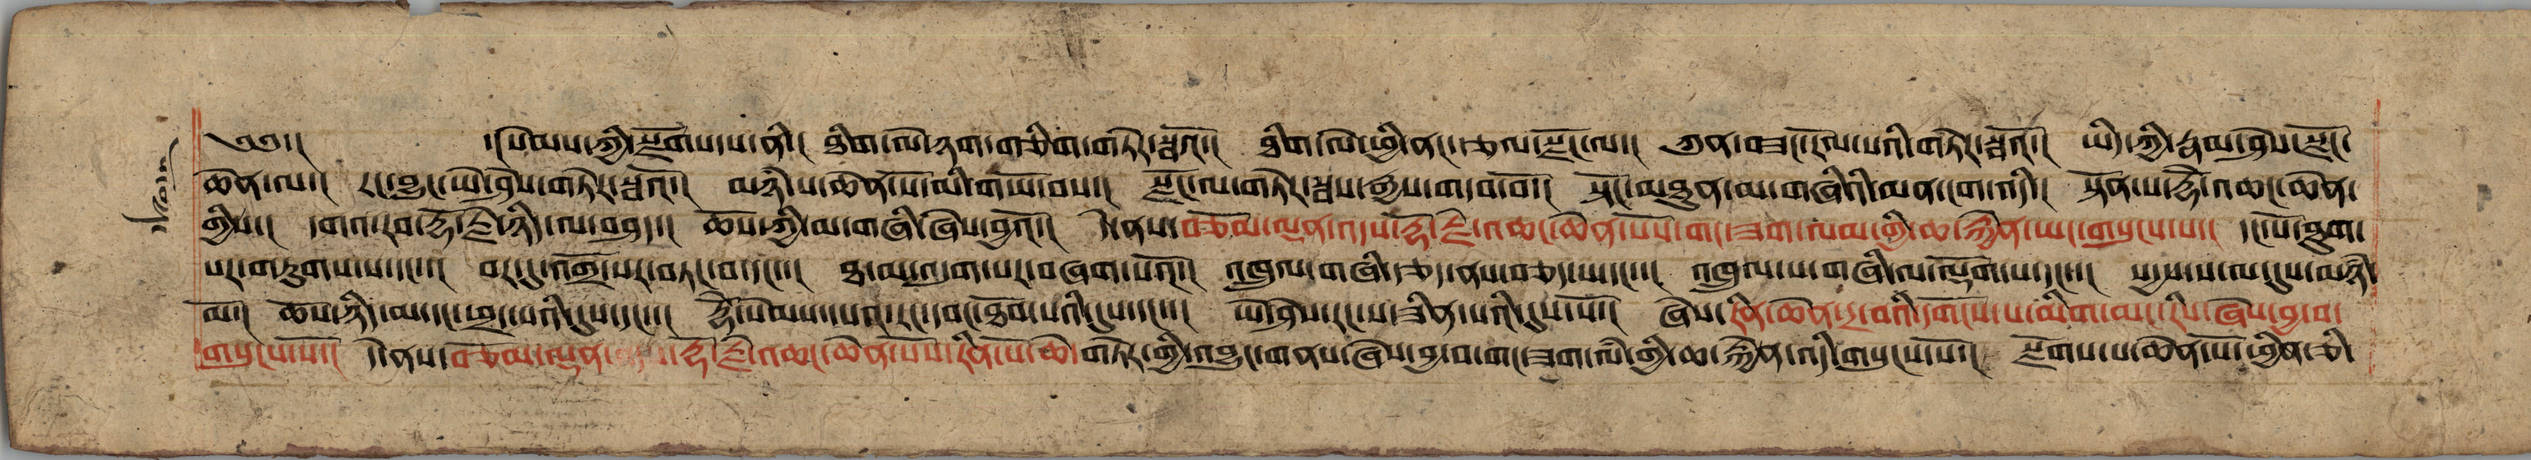༄༅་། ་།སེམས་ཀྱི་སྫོགས་པ་ནི་། ཐིག་ལེ་ཉག་གཅིག་གཏེར་སྦའོ་། ཐིག་ལེ་ཕྱི་ནང་རྩལ་སྫོཌ་ལ་། ཀུན་བཟང་རོལ་པའི་གཏེར་སྦའོ་། ཡིད་ཀྱི་རྣམ་ཤེས་སྫོཌ་
ཆེན་ལ་། རང་བྱུང་ཡེ་ཤེས་གཏེར་སྦའོ་། མཉཾ་པ་ཆེན་པོ་མི་གཡོ་བས་། སྫོཌ་ལ་གཏེར་སྦས་རྒྱས་གདབ་བོ་། སྟོང་མཐུན་མ་གཞིའི་མན་ངག་འདི་། སྟོན་པ་རྡོེ་འཆང་ཆེན་
གྱིས་། དགའ་རབ་རྡོ་རྗེ་ཉིད་ལ་བཤད་། ཆོས་ཀྱི་མ་གཞི་ཞེས་བྱའོ་། དེ་ནས་བཅོམ་ལྡན་འདས་རྡོ་རྗེ་འཆང་ཆེན་པོས་གང་ཟག་ལམ་གྱི་ཆ་རྐྱེན་ཡང་གསུངས་པ་། དང་པོ་ཐུག་
པར་གཏུགས་པ་དང་་། བར་དུ་འགྲོ་སར་བཏང་བ་དང་་། ཐ་མ་འདུག་སར་བཞག་པའོ་། འཁྲུལ་གཞི་རྩད་ནས་བཅད་པ་དང་་། འཁྲུལ་པ་གཞི་ལ་ལྡོག་པ་དང་་། སདྱས་ས་ལ་དུས་མཉཾ་
མོ་། ཆོས་ཉིད་མ་དང་ཕྲད་པའི་དུས་དང་་། རྡོེ་སེམས་དཔའ་རང་དབང་ཐོབ་པའི་དུས་དང་་། ཡེ་ཤེས་རང་ས་ཟིན་པའི་དུས་སོ་། ཞེས་རིན་ཆེན་དྲ་བའི་དགོངས་པ་མིག་མང་རིས་ཞེས་བྱ་བ་
གསུངས་སོ་། དེ་ནས་བཅོམ་ལྡན་ རྡོ་རྗེ་འཆང་ཆེན་པོས་རིན་པོ་ཆེ་གཏེར་གྱི་འབྱུང་གནས་ཞེས་བྱ་བ་གང་ཟག་ལཾ་གྱི་ཆ་རྐྱེན་འདི་གསུངས་སོ་། སྫོགས་པ་ཆེན་པོ་ཕྱིན་ཅི་